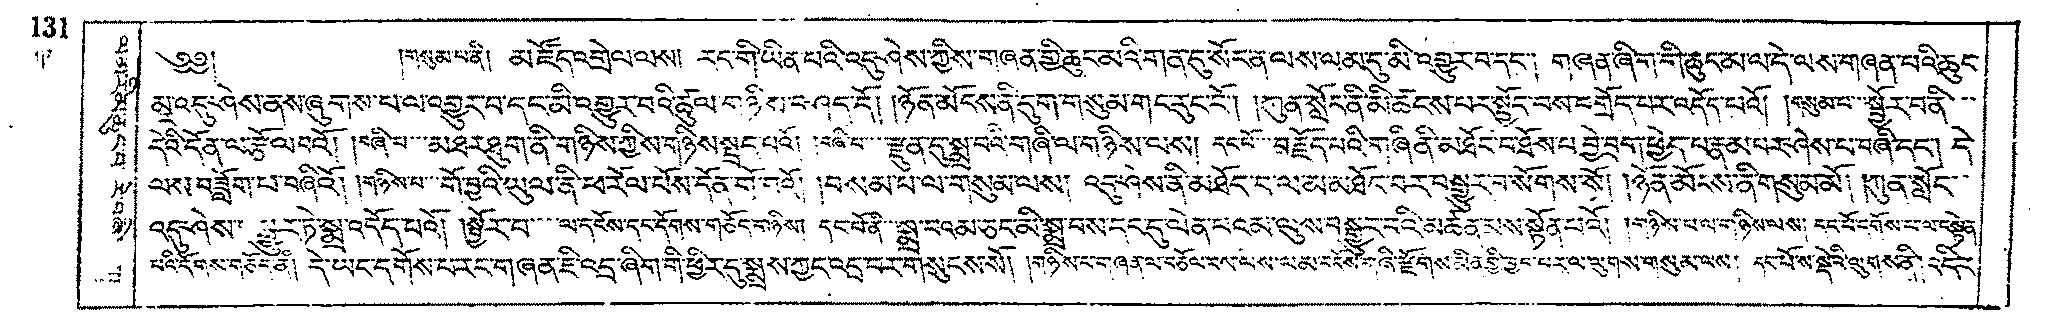༄༅། །གསུམ་པ་ནི།  མཛོད་འགྲེལ་ལས། རང་གི་ཡིན་པའི་འདུ་ཤེས་ཀྱིས་གཞན་གྱི་ཆུང་མའི་གན་དུ་སོང་ན་ལས་ལམ་དུ་མི་འགྱུར་བ་དང་། གཞན་ཞིག་གི་ཆུང་མ་ལ་དེ་ལས་གཞན་པའི་ཆུང་
མར་འདུ་ཤེས་ནས་ཞུགས་པ་ལ་འགྱུར་བ་དང་མི་འགྱུར་བའི་ཚུལ་གཉིས་བཤད་དོ། །ཉོན་མོངས་ནི་དུག་གསུམ་གང་རུང་ངོ། །ཀུན་སློང་ནི་མི་ཚངས་པར་སྤྱོད་བས་འགྲོད་པར་འདོད་པའོ། །གསུམ་པསྦྱོར་བ་ནི་
དེའི་དོན་ལ་རྩོལ་བའོ། །བཞི་པམཐར་ཐུག་ནི་གཉིས་ཀྱིས་གཉིས་སྤྲད་པའོ། །བཞི་པརྫུན་དུ་སྨྲ་བའི་གཞི་ལ་གཉིས་ལས། དང་པོབརྗོད་པའི་གཞི་ནི་མཐོང་བ་ཐོས་པ་བྱེ་བྲག་ཕྱེད་པ་རྣམ་པར་ཤེས་པ་བཞི་དང་། དེ་
ལས་བཟློག་པ་བཞིའོ། །གཉིས་པ་གོ་བྱའི་ཡུལ་ནི་ཕ་རོལ་པོས་དོན་གོ་བའོ། །བསམ་པ་ལ་གསུམ་ལས། འདུ་ཤེས་ནི་མཐོང་བ་ལ་མ་མཐོང་བར་བསྒྱུར་བ་སོགས་སོ། །ཉོན་མོངས་ནི་གསུམ་མོ། །ཀུན་སློང་
འདུ་ཤེས་བསྒྱུར་ཏེ་སྨྲ་འདོད་པའོ། །སྦྱོར་བལ་དངོས་དང་དོགས་གཅོད་གཉིས། དང་པོ་ནིསྨྲ་བའམ་ཅང་མི་སྨྲ་བས་དང་དུ་ལེན་པའམ་ལུས་བསྒྱུར་བའི་མཚན་མས་སྟོན་པའོ། །གཉིས་པ་ལ་གཉིས་ལས། དང་པོ་དགོས་པ་ལ་བསྟེན་
པའི་དགོས་གཅོད་ནི། དེ་ཡང་དགོས་པ་རང་གཞན་ཇི་འདྲ་ཞིག་གི་ཕྱིར་དུ་སྨྲས་ཀྱང་འདྲ་བར་གསུངས་སོ། །གཉིས་པ་གཞན་ལ་བཅོལ་བས་ལས་ལམ་དངོས་གཞི་རྫོགས་མིན་གྱི་ཁྱད་པར་ལུགས་གསུམ་ལས། དང་པོ་ས་སྡེའི་ལུགས་ནི། འདིར་